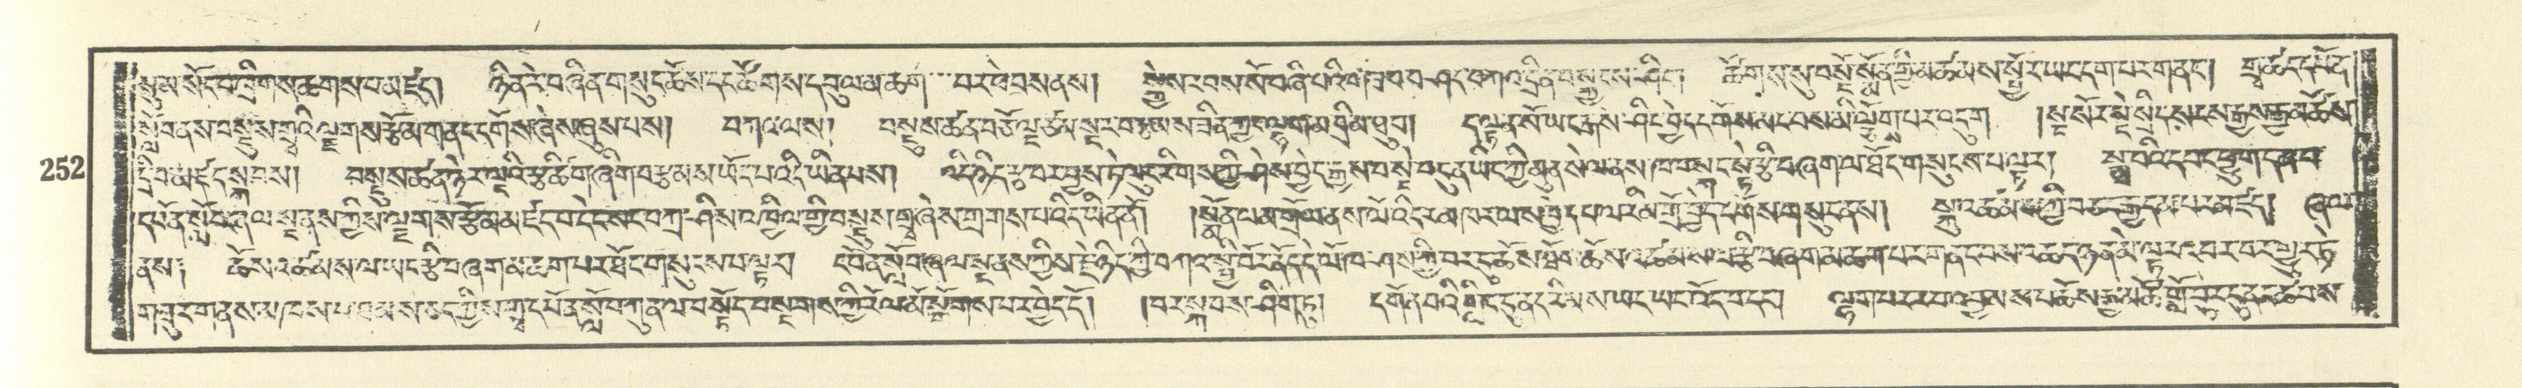སུམ་སོང་བ་ཁྲིགས་ཆགས་པ་མཛད། ཉིན་རེ་བཞིན་གསུང་ཆོས་དང་ཚོགས་དབུལ་མ་ཆག་བར་ཕེབས་ནས། སྐྱེས་རབས་སོ་བཞི་པའི་གཟབ་བཤད་བཀའ་དྲིན་བསྐྱངས་ཤིང་། ཚོགས་སུ་བསྔོ་སྨོན་གྱི་མཚམས་སྦྱོར་ཡང་དག་པར་གནང་། གྲྭ་ཚང་དཔོན་
སློབ་ནས་བསྡུས་གྲྭའི་ལྗགས་རྩོམ་གནང་དགོས་ཞེས་ཞུས་པས། བཀའ་ལས། བསྡུས་ཚན་བཅོ་ལྔ་ཙམ་སྔར་བརྩམས་ཟིན་ཀྱང་ལྷག་མ་བྲིམ་ཐུབ། ད་ལྟན་སོ་ཡང་རྒས་ཤིང་བྱེད་དགོས་མང་བས་མི་ལྕོགས་པར་འདུག །སྔ་སོར་སྡེ་སྲིད་སངས་རྒྱས་རྒྱ་མཚོས་
དྲི་བ་མཛད་སྐབས། བསྡུས་ཚན་ཉེར་ལྔའི་རྩ་ཚིག་ཞིག་བརྩམས་ཡོད་པ་འདི་ཡིན་པས། འདི་ཉིད་རྩ་བར་བྱས་ཏེ་ལུང་རིགས་ཀྱི་ཤེས་བྱེད་རྒྱས་པ་སྡེ་བདུན་ཡིད་ཀྱི་མུན་སེལ་ནས་ཁ་བསྐང་སྟེ་རྩི་བཞག་ལ་ཐོང་གསུངས་པ་ལྟར། སྨྲ་བའི་དབང་ཕྱུག་དམ་པ་
དཔོན་སློབ་ཞལ་སྔ་ནས་ཀྱིས་ལྗགས་རྩོམ་མཛད་པ་དེང་སང་བཀྲ་ཤིས་འཁྱིལ་གྱི་བསྡུས་གྲྭ་ཞེས་གྲགས་པ་འདི་ཡིན་ནོ། །སྨོན་ལམ་གྲོལ་ནས་ལོ་འདིར་མཁར་ལས་བྱེད་པ་ལ་རིམ་གྲོ་བྱེད་དགོས་གསུང་ནས། སྐུ་འཚམས་ཀྱི་བཅད་རྒྱ་དམ་པར་མཛད། ཞལ་
ནས༑ ཆོས་འཚམས་ལ་ཡང་རྩི་བཞག་མཆག་པར་ཐོང་གསུངས་པ་ལྟར། དཔོན་སློབ་ཞལ་སྔ་ནས་ཀྱིས་རྗེ་ཉིད་ཀྱི་བཀའ་སྤྱི་བོར་ནོད་དེ་ལོ་ཁ་ཤས་ཀྱི་བར་དུ་ཆོས་ཐོག་ཆོས་འཚམས་ལ་རྩི་བཞག་མ་ཆག་པར་གནང་བས་འཆད་ཉན་མེ་ལྟར་འབར་བར་གྱུར་ཏེ་
གཟུར་གནས་མཁས་པ་ཐམས་ཅད་ཀྱིས་གྲྭ་དཔོན་སློབ་ཀུན་ལ་བསྟོད་བསྔགས་ཀྱི་རོལ་མོ་སྒྲོགས་པར་བྱེད་དོ། །བར་སྐབས་ཤིག་ཏུ། དགོན་བའི་གླིང་དུ་ནང་རིམས་ཡང་ཡང་འོང་བ་དང་། ལྷག་པར་རབ་འབྱམས་པ་ཆོས་རྒྱ་མོ་ཆོ་གློ་བུར་དུ་ནང་ཚེབས་